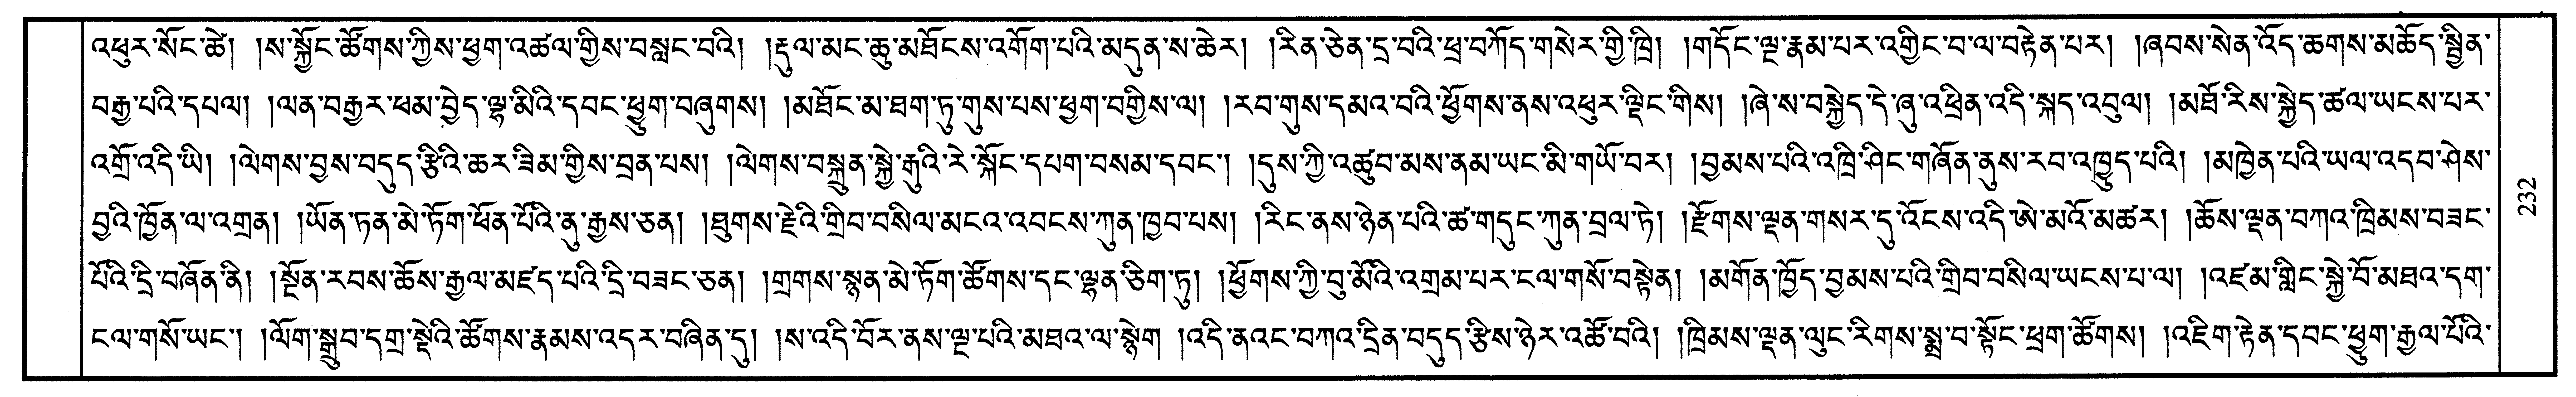འཕུར་སོང་ཚེ། །ས་སྐྱོང་ཚོགས་ཀྱིས་ཕྱག་འཚལ་གྱིས་བསླང་བའི། །རྡུལ་མང་ཆུ་མཐོངས་འགོག་པའི་མདུན་ས་ཆེར། །རིན་ཅེན་དྲ་བའི་ཕྲ་བཀོད་གསེར་གྱི་ཁྲི། །གདོང་ལྔ་རྣམ་པར་འགྱིང་བ་ལ་བརྟེན་པར། །ཞབས་སེན་འོད་ཆགས་མཆོད་སྦྱིན་
བརྒྱ་པའི་དཔལ། །ལན་བརྒྱར་ཕམ་བྱེད་ལྷ་མིའི་དབང་ཕྱུག་བཞུགས། །མཐོང་མ་ཐག་ཏུ་གུས་པས་ཕྱག་བགྱིས་ལ། །རབ་གུས་དམའ་བའི་ཕྱོགས་ནས་འཕུར་ལྡིང་གིས། །ཞེ་ས་བསྐྱེད་དེ་ཞུ་འཕྲིན་འདི་སྐད་འབུལ། །མཐོ་རིས་སྐྱེད་ཚལ་ཡངས་པར་
འགྲོ་འདི་ཡི། །ལེགས་བྱས་བདུད་རྩིའི་ཆར་ཟིམ་གྱིས་བྲན་པས། །ལེགས་བསྐྲུན་སྐྱེ་རྒུའི་རེ་སྐོང་དཔག་བསམ་དབང་། །དུས་ཀྱི་འཚུབ་མས་ནམ་ཡང་མི་གཡོ་བར། །བྱམས་པའི་འཁྲི་ཤིང་གཞོན་ནུས་རབ་འཁྱུད་པའི། །མཁྱེན་པའི་ཡལ་འདབ་ཤེས་
བྱའི་ཁྱོན་ལ་འགྲན། །ཡོན་ཏན་མེ་ཏོག་ཕོན་པོའི་ནུ་རྒྱས་ཅན། །ཐུགས་རྗེའི་གྲིབ་བསིལ་མངའ་འབངས་ཀུན་ཁྱབ་པས། །རིང་ནས་ཉེན་པའི་ཚ་གདུང་ཀུན་བྲལ་ཏེ། །རྫོགས་ལྡན་གསར་དུ་འོངས་འདི་ཨེ་མའོ་མཚར། །ཆོས་ལྡན་བཀའ་ཁྲིམས་བཟང་
པོའི་དྲི་བཞོན་ནི། །སྔོན་རབས་ཆོས་རྒྱལ་མཛད་པའི་དྲི་བཟང་ཅན། །གྲགས་སྙན་མེ་ཏོག་ཚོགས་དང་ལྷན་ཅིག་ཏུ། །ཕྱོགས་ཀྱི་བུ་མོའི་འགྲམ་པར་ངལ་གསོ་བསྟེན། །མགོན་ཁྱོད་བྱམས་པའི་གྲིབ་བསིལ་ཡངས་པ་ལ། །འཛམ་གླིང་སྐྱེ་བོ་མཐའ་དག་
ངལ་གསོ་ཡང་། །ལོག་སྒྲུབ་དགྲ་སྡེའི་ཚོགས་རྣམས་འདར་བཞིན་དུ། །ས་འདི་བོར་ནས་ལྔ་པའི་མཐའ་ལ་སྙེག །འདི་ནའང་བཀའ་དྲིན་བདུད་རྩིས་ཉེར་འཚོ་བའི། །ཁྲིམས་ལྡན་ལུང་རིགས་སྨྲ་བ་སྟོང་ཕྲག་ཚོགས། །འཇིག་རྟེན་དབང་ཕྱུག་རྒྱལ་པོའི་